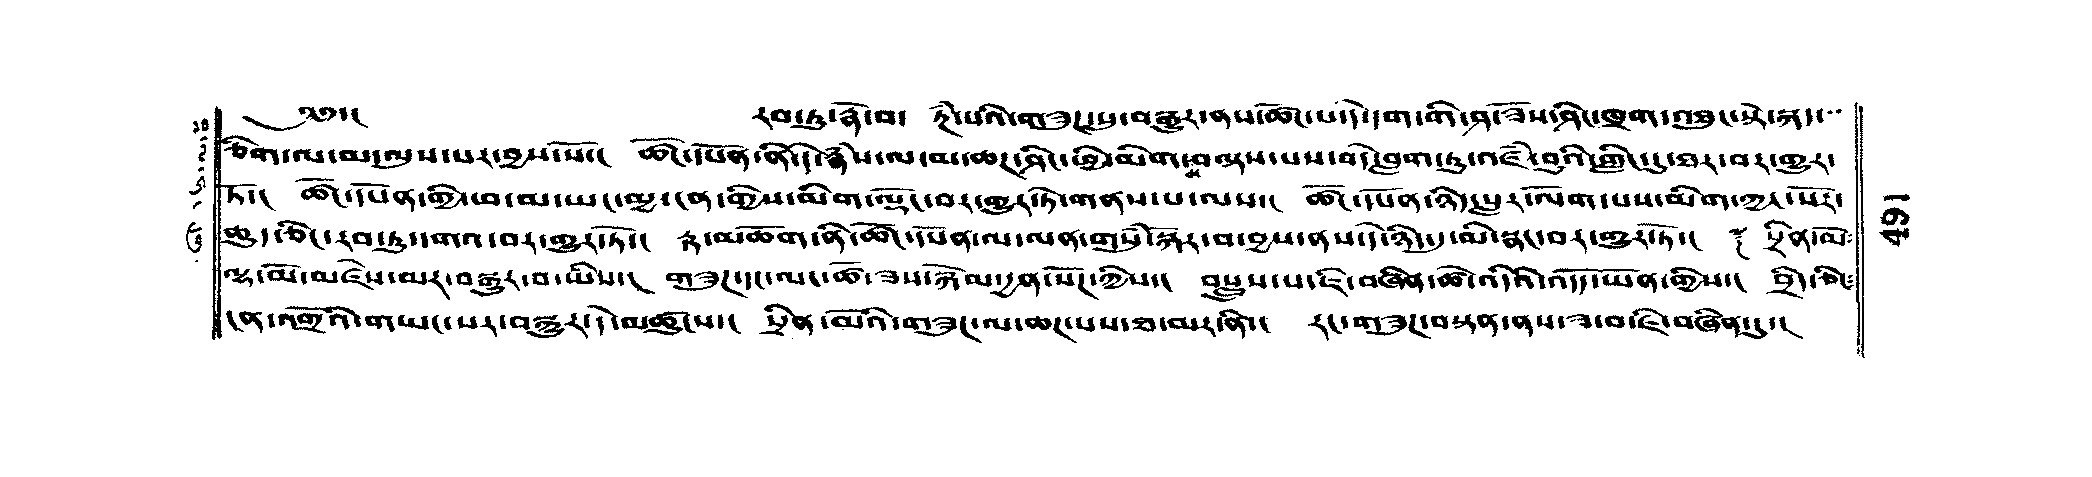རབ་ཏུ་རྣོ་བ། རྔམ་པའི་གཟུངས་སུ་བསྒྱུར་ནས་ཚོང་པ་དེ་དག་གི་ཤ་ཟོས་ཤིང་ཁྲག་འཐུངས་ཏེ་སྐད་
ཅིག་ལ་མ་ལུས་པར་བྱས་སོ། ཚོང་དཔོན་ནི་དེ་རྣམས་ལ་མ་ཆགས་ཤིང་ཕྱི་མིག་མ་བལྟས་པས་བདེ་བླག་ཏུ་འཛམ་བུའི་གླིང་དུ་ཐར་བར་གྱུར་
ཏོ། ཚོང་དཔོན་གྱི་ཕ་མ་ཡང་མྱ་ངན་གྱིས་མིག་ལྡོངས་བར་གྱུར་ཏེ་གནས་པ་ལས། ཚོང་དཔོན་ཉིད་སླར་ལོག་པས་མིག་ཀྱང་སོར་
ཆུད་ཅིང་རབ་ཏུ་དགའ་བར་གྱུར་ཏོ། རྟ་མཆོག་ནི་ཚོང་དཔོན་ལ་ལན་གསུམ་སྐོར་བ་བྱས་ནས་དེ་ཉིད་དུ་མི་སྣང་བར་གྱུར་ཏོ།། སྲིན་མོ་
ལྷ་མོ་མཛེས་མར་བསྒྱུར་བ་ཡིས། །གཟུགས་དང་ལང་ཚོ་ཟས་སྐོམ་རྒྱན་སོགས་ཀྱིས། །བསླུས་པ་ཇི་བཞིན་ཚེ་འདིའི་འདོད་ཡོན་གྱིས། །བྲིད་ཅིང་
ངན་འགྲོའི་གཡང་སར་བསྐྱུར་དེ་མཚུངས། །སྲིན་མོའི་གཟུགས་ལ་ཆགས་པས་ཐ་མར་ནི། །རང་གཟུགས་བསྟན་ནས་ཟ་བ་ཇི་བཞིན་དུ།